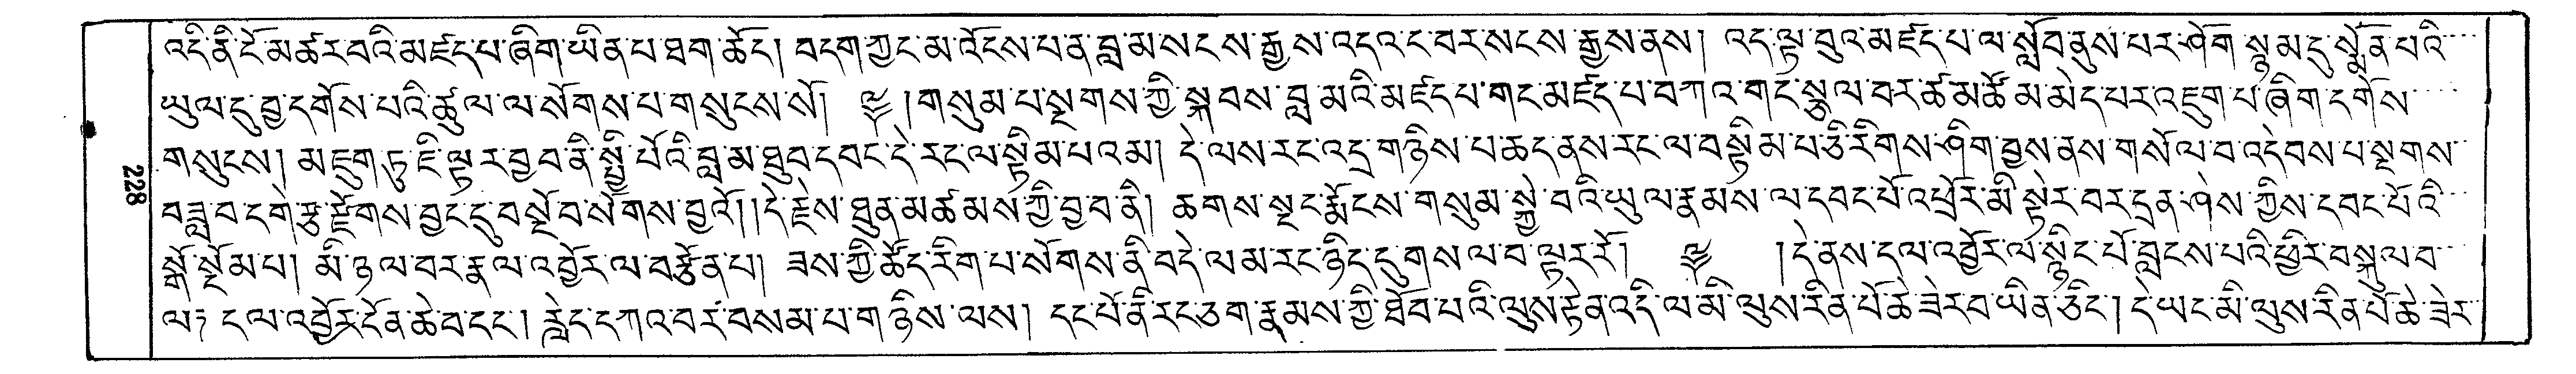འདི་ནི་ངོ་མཚར་བའི་མཛད་པ་ཞིག་ཡིན་པ་ཐག་ཆོད། བདག་ཀྱང་མ་འོངས་པ་ན་བླ་མ་སངས་རྒྱས་འདིའི་ངོ་བོར་སངས་རྒྱས་ནས། འདི་ལྟ་བུའི་མཛད་པ་ལ་སློབ་ནུས་པར་ཤོག་སྙམ་དུ་སྨོན་པའི་
ཡུལ་དུ་བྱ་དགོས་པའི་ཚུལ་ལ་སོགས་པ་གསུངས་སོ། ༈ །གསུམ་པ་སྔགས་ཀྱི་སྐབས་བླ་མའི་མཛད་པ་གང་མཛད་པ་བཀའ་གང་སྩལ་བར་ཚམ་ཚོམ་མེད་པར་འཇུག་པ་ཞིག་དགོས་
གསུངས། མཇུག་ཏུ་ཇི་ལྟར་བྱ་བ་ནི་སྤྱི་བོའི་བླ་མ་ཐུབ་དབང་དེ་རང་ལ་སྟིམ་པའམ། དེ་ལས་རང་འདྲ་གཉིས་པ་ཆད་ནས་རང་ལ་བསྟིམ་པ་ཅི་རིགས་ཤིག་བྱས་ནས་གསོལ་བ་འདེབས་པ་སྔགས་
བཟླ་བ་དགེ་རྩ་རྫོགས་བྱང་དུ་བསྔོ་བ་སོགས་བྱའོ། །དེ་རྗེས་ཐུན་མཚམས་ཀྱི་བྱ་བ་ནི། ཆགས་སྡང་རྨོངས་གསུམ་སྐྱེ་བའི་ཡུལ་རྣམས་ལ་དབང་པོ་འཕྲོར་མི་སྟེར་བར་དྲན་ཤེས་ཀྱིས་དབང་པོའི་
སྒོ་སྡོམ་པ། མི་ཉལ་བར་རྣལ་འབྱོར་ལ་བརྩོན་པ། ཟས་ཀྱི་ཚོད་རིག་པ་སོགས་ནི་བདེ་ལམ་རང་ཉིད་དུ་གསལ་བ་ལྟར་རོ། ༈ །དེ་ནས་དལ་འབྱོར་ལ་སྙིང་པོ་བླངས་བའི་ཕྱིར་བསྐུལ་བ་
ལ༑ དལ་འབྱོར་དོན་ཆེ་བ་དང་། རྙེད་དཀའ་བར་བསམ་པ་གཉིས་ལས། དང་པོ་ནི་རང་ཅག་རྣམས་ཀྱི་ཐོབ་པའི་ལུས་རྟེན་འདི་ལ་མི་ལུས་རིན་པོ་ཆེ་ཟེར་བ་ཡིན་ཅིང་། དེ་ཡང་མི་ལུས་རིན་པོ་ཆེ་ཟེར་